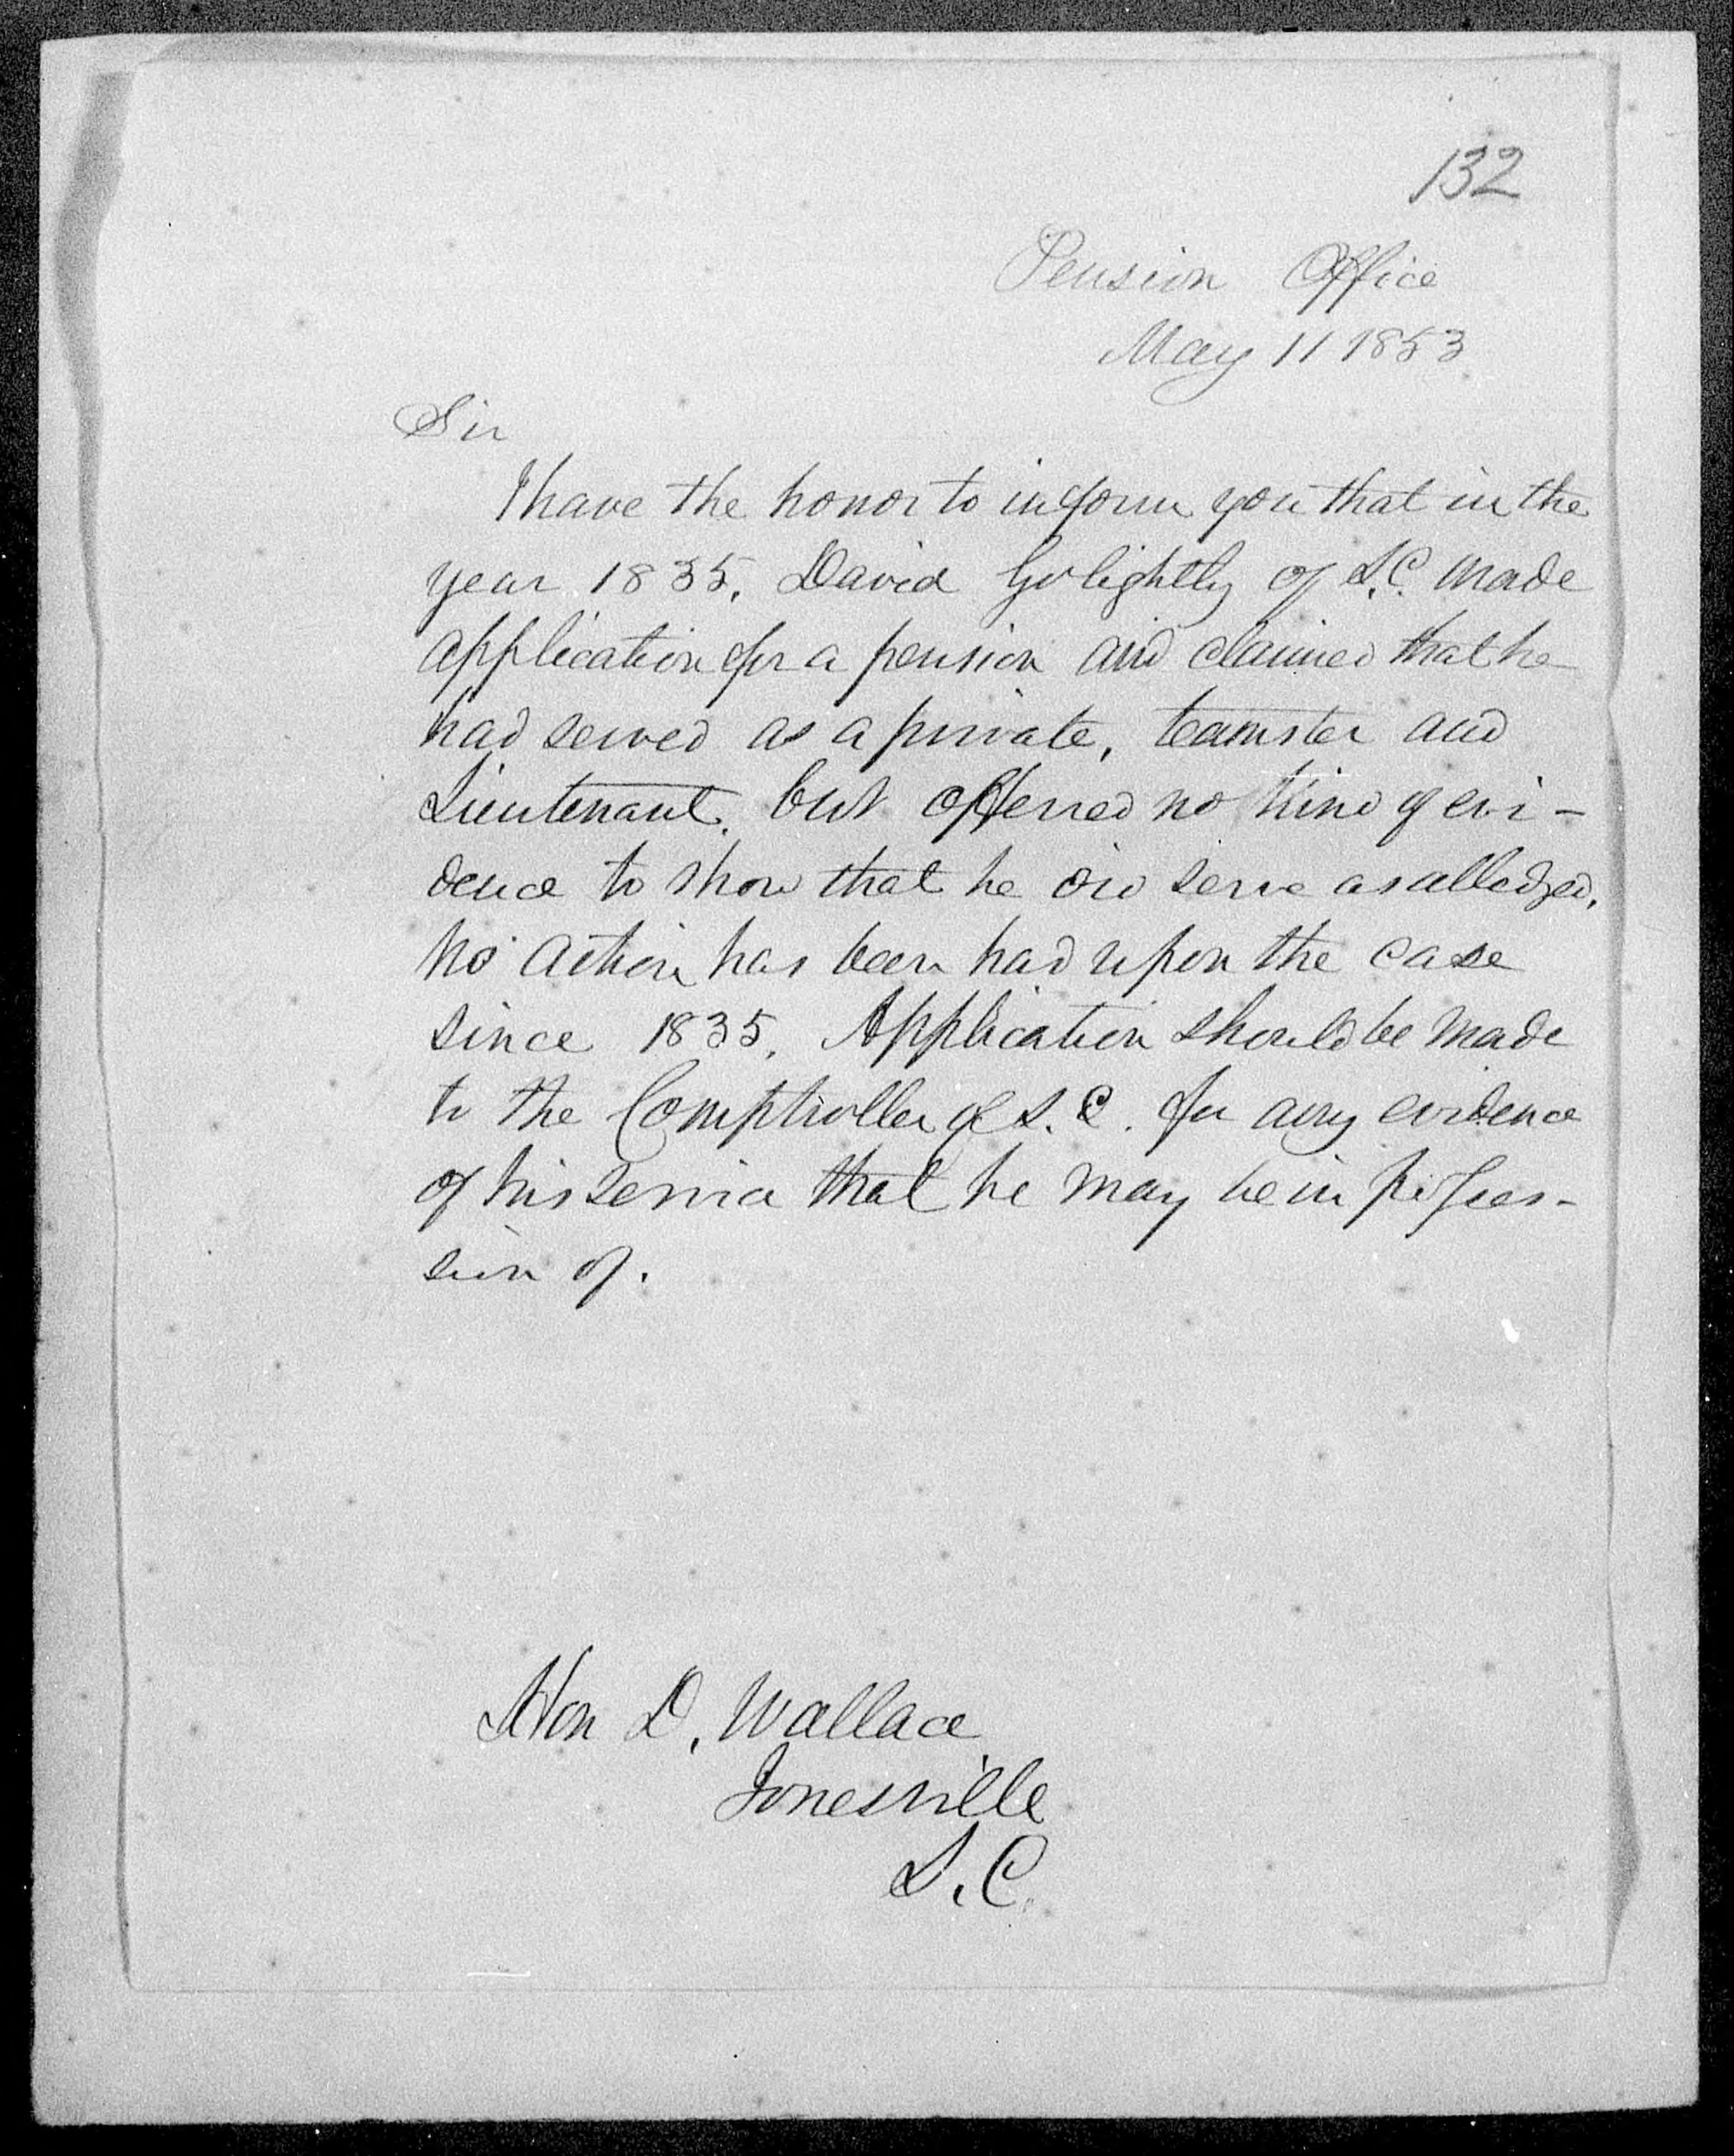132
Pension Office
May 11 1853

Sir

I have the honor to inform you tht in the
year 1835, David Golightly of S. C. made
application for a pension and claimed that he
had served as a private, teamster and
Lieutenant but offered no kind of evidence
to show that he did serve as alledged.
No action has been had upon the case
since 1835.  Application should be made
to the Comptroller of S. C. for any evidence
of his servcie that he may be in possession 
of.

Hon. D. Wallace
Jonesville
S.C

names: David Golightly, D Wallace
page: 38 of 57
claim: survivor's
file: S. 18888, David Golightly, S.C.